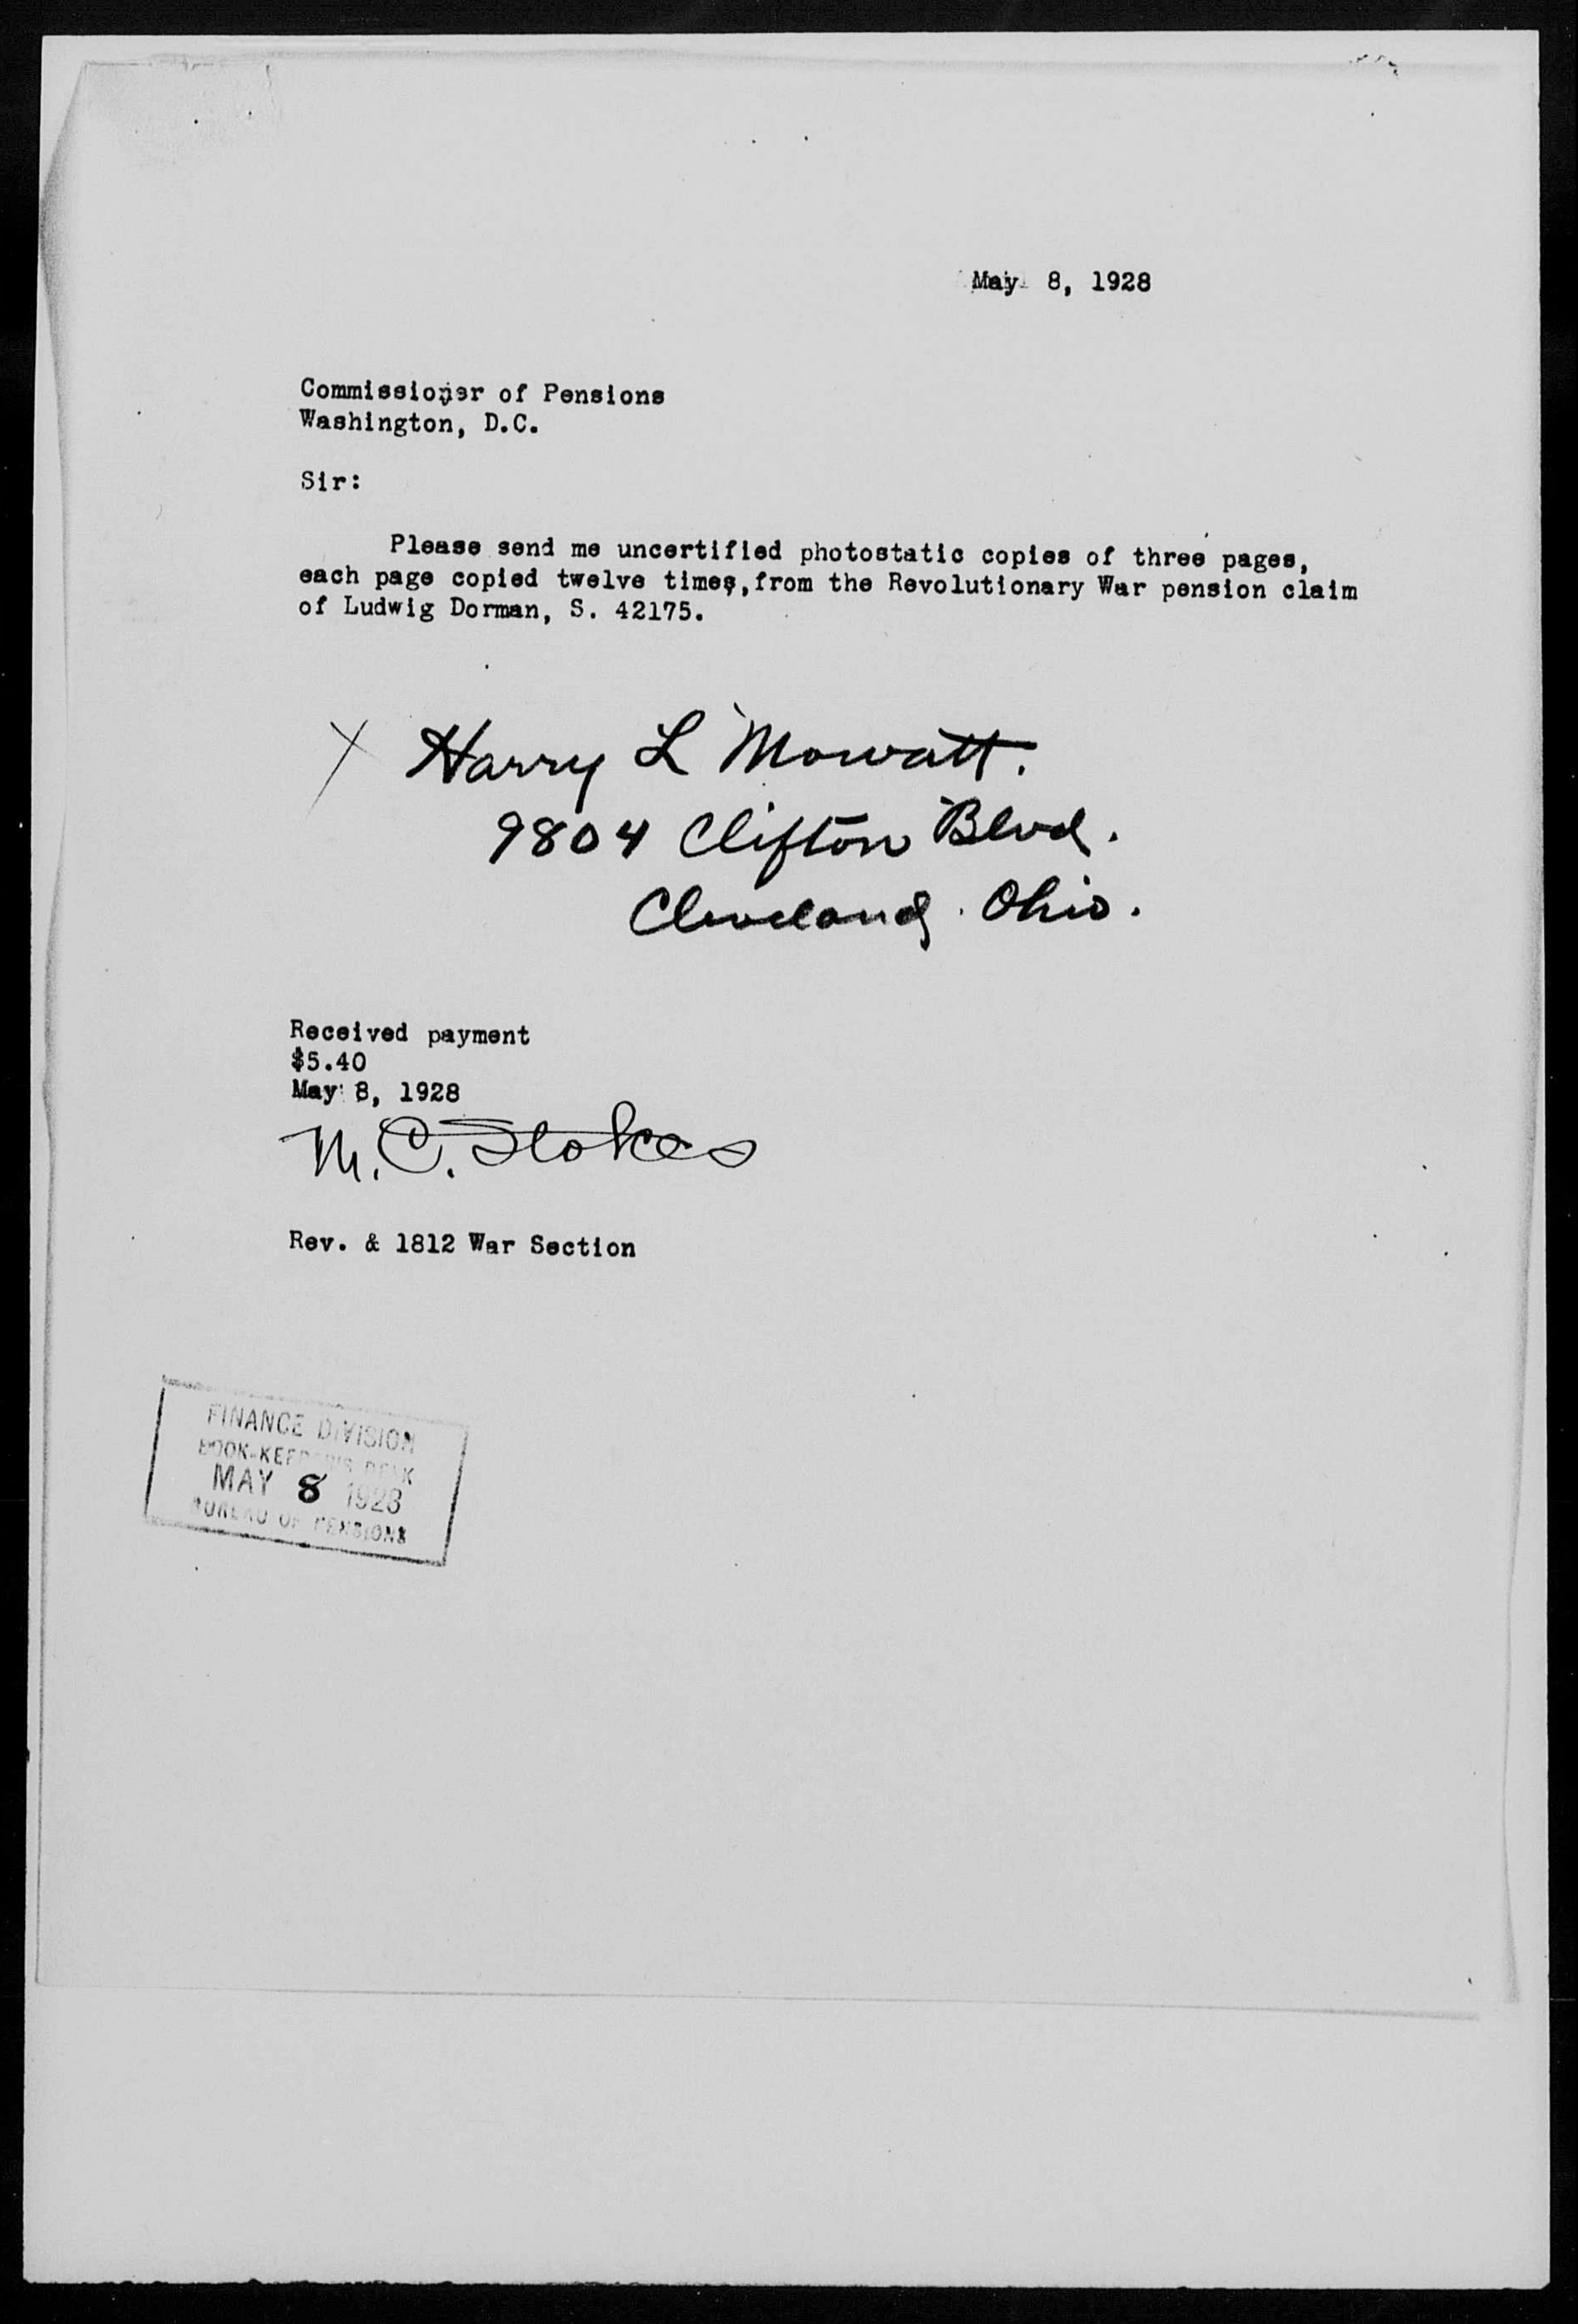May 8, 1928
Commissioner of Pensions
Washington, D.C.
Sir:
Please send me uncertified photostatic copies of three pages, each page copied twelve times, from the Revolutionary War pension claim of Ludwig Dorman, S. 42175.
Harry L Mowatt.
9804 Clifton Blvd.
Cleveland,Ohio.
Received payment
$5.40
May 8, 1928
M.C. Stokes
Rev. & 1812 War Section
Finance Division
Book Keepers Desk
May 8 1923
Bureau of Pensions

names: Ludwig Dorman, M C Stokes, Harry L Mowatt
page: 8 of 16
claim: survivor's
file: S. 42,175, Ludwig Dorman, Penn.